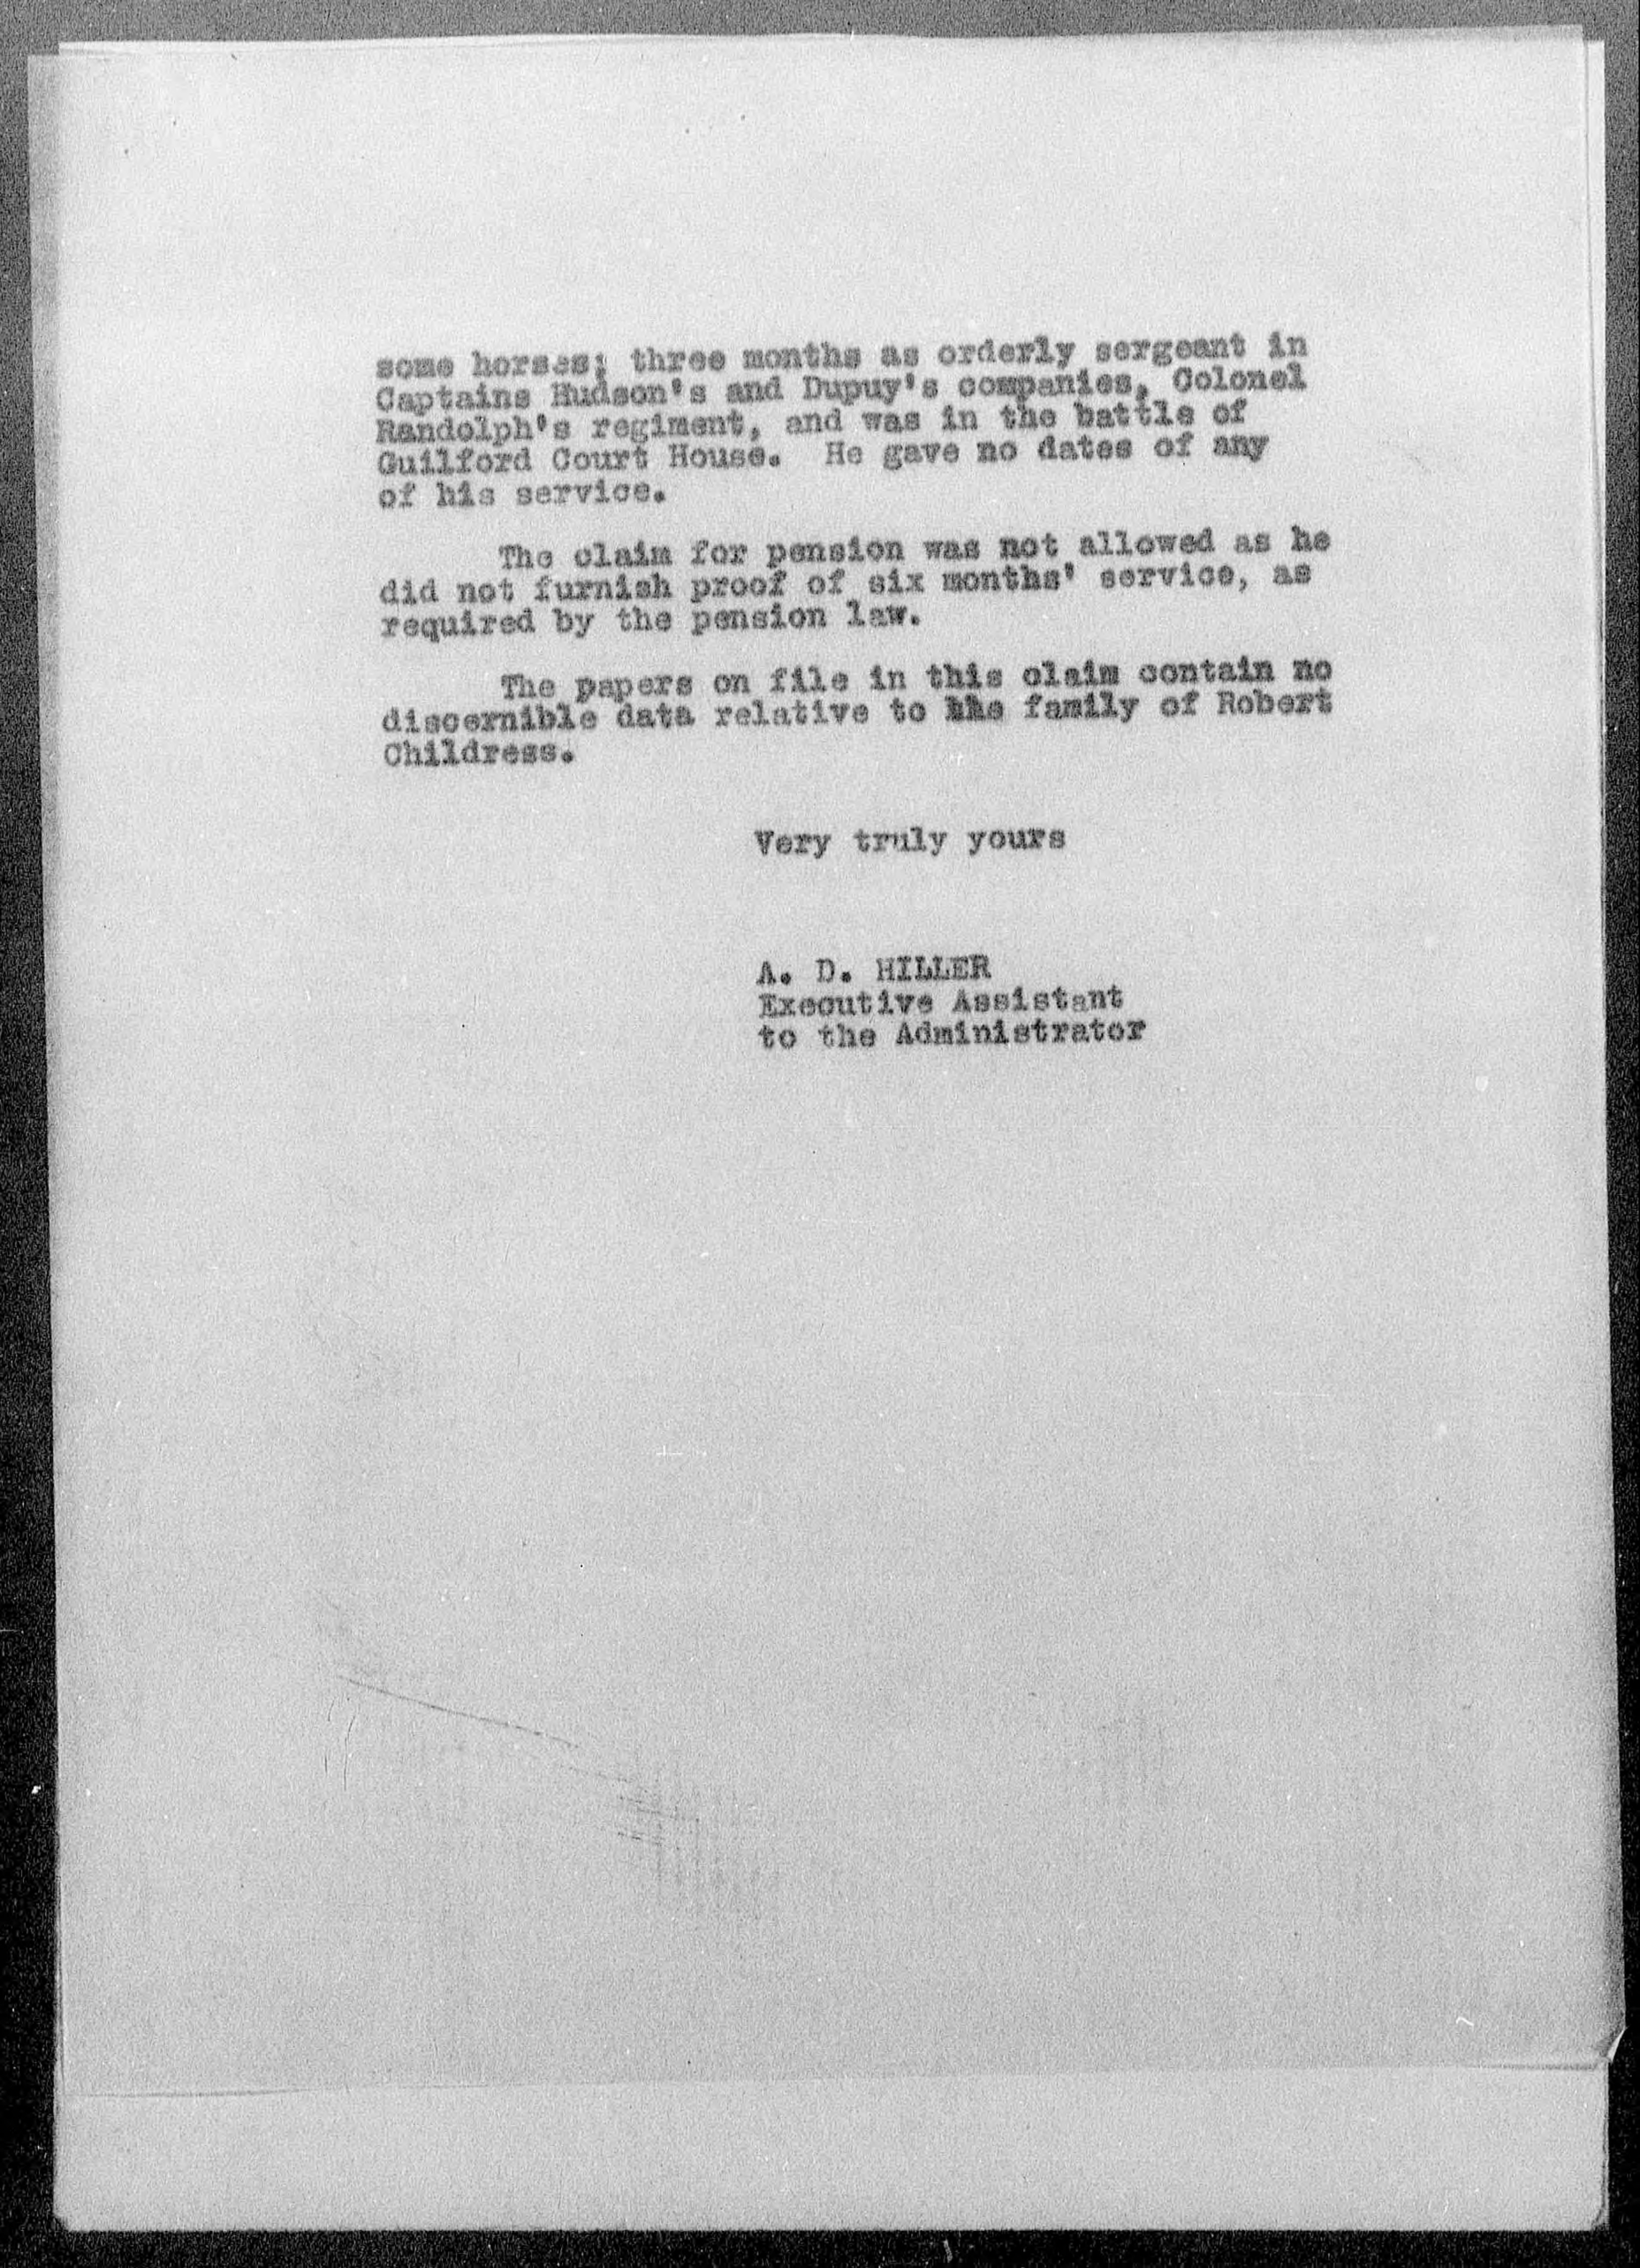some horses; three months as orderly sergeant in
Captains Hudson's and Dupuy's companies, Colonel
Randolph's regiment, and was in the battle of
Guilford Court House. He gave no dates of any
of his service.
The claim for pension was not allowed as he
did not furnish proof of six months' service, as
required by the pension law.
The papers on file in this claim contain no
discernible data relative to his family of Robert
Childress

Very truly yours

A. D. HILLER
Executive Assistant
to the Administrator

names: Robert Childress, A D Hiller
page: 9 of 25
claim: rejected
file: R. 1929, Robert Childress, Va